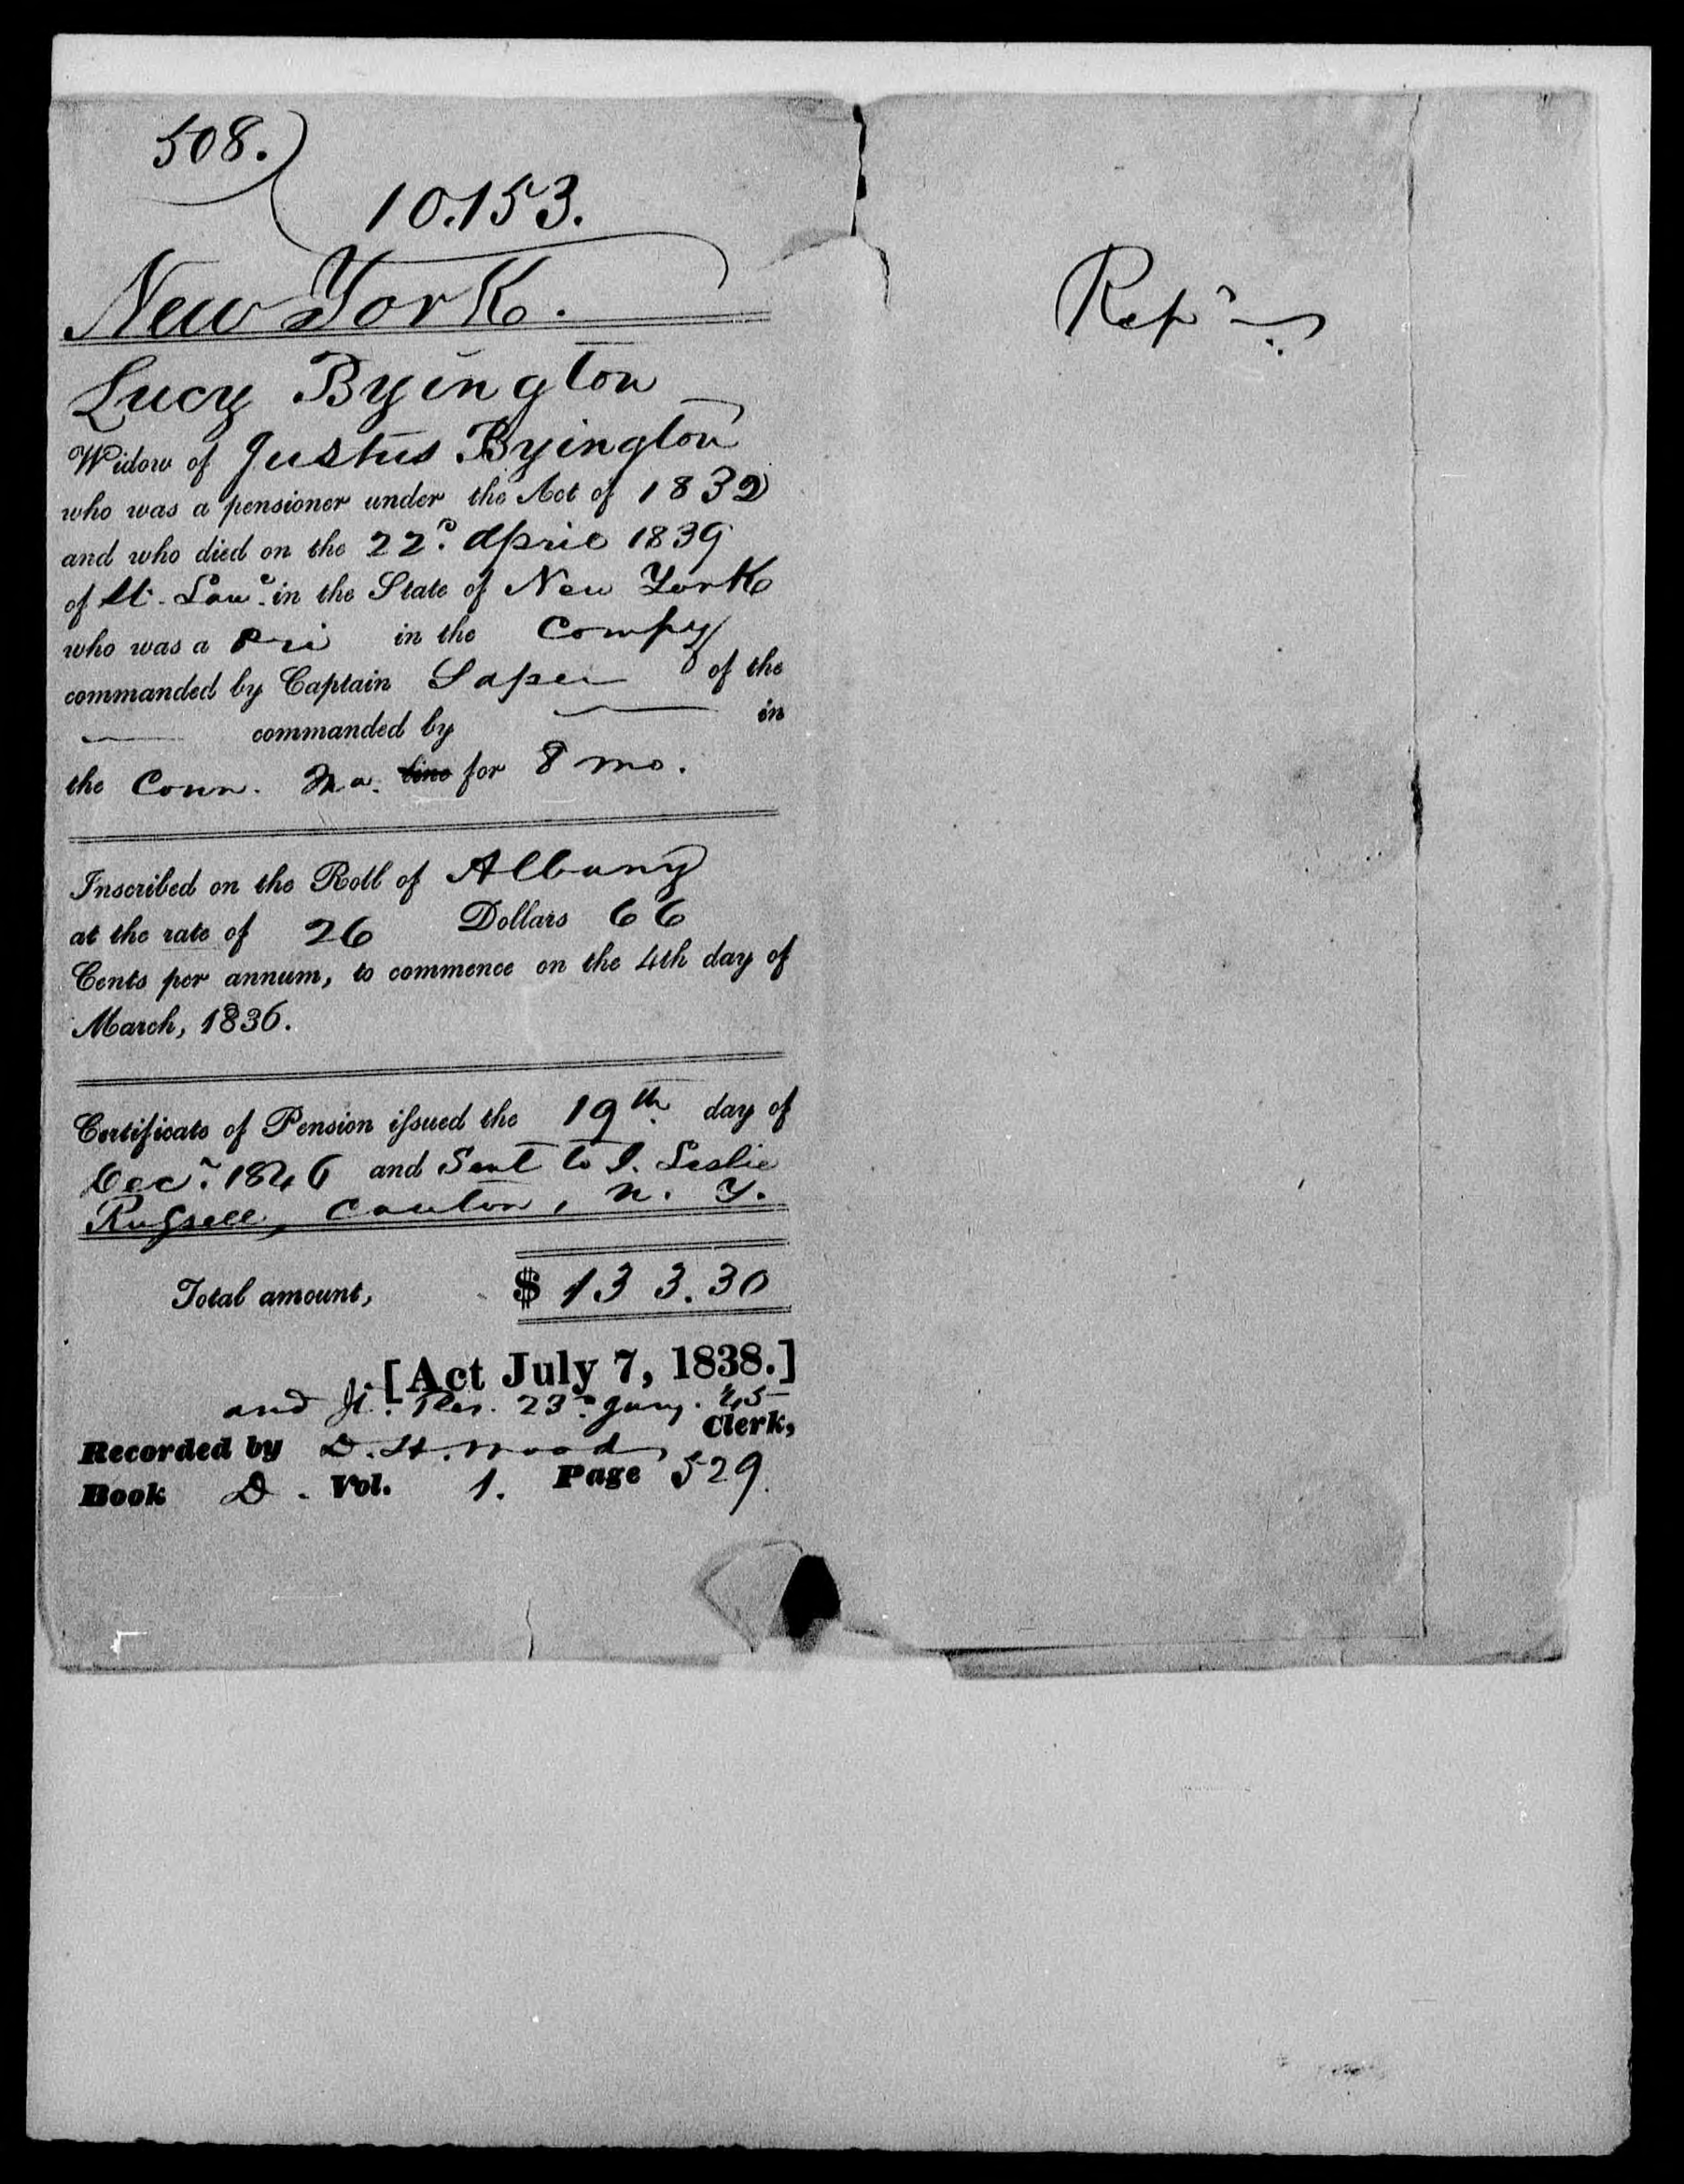508  10.153
New York
================
Lucy Byington
Widow of Justus Byington
who was a pensioner under the Act of 1832
and who died on the 22d April 1839
of St. Lawe in the State of New York
who was a pri in the compy 
commanded by Captain Laper of the
 commanded by   in
the Conn. Ma for 8 mo.
============================
Inscribed on the Roll of Albany 
at the rate of 26 Dollars 66
cents per annum, to commence on the 4th day of
March 1836.
=========================
Certificate of Pension issued the 19th day of 
Dec 1846 and set to J. Leslie 
Russell, Canton, N.Y.
===========================
Total amount,     $133.30
[Act July 7, 1838.]
and Jt. Res. 23d Jany 45

Recorded by D. H. Wood Clerk,
book D. Vol. 1 Page 529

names: Lucy Byington, Saper, D H Wood, J Leslie Russell, Justus Byington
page: 23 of 79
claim: widow's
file: W. 23754, Justus Byington, Conn.